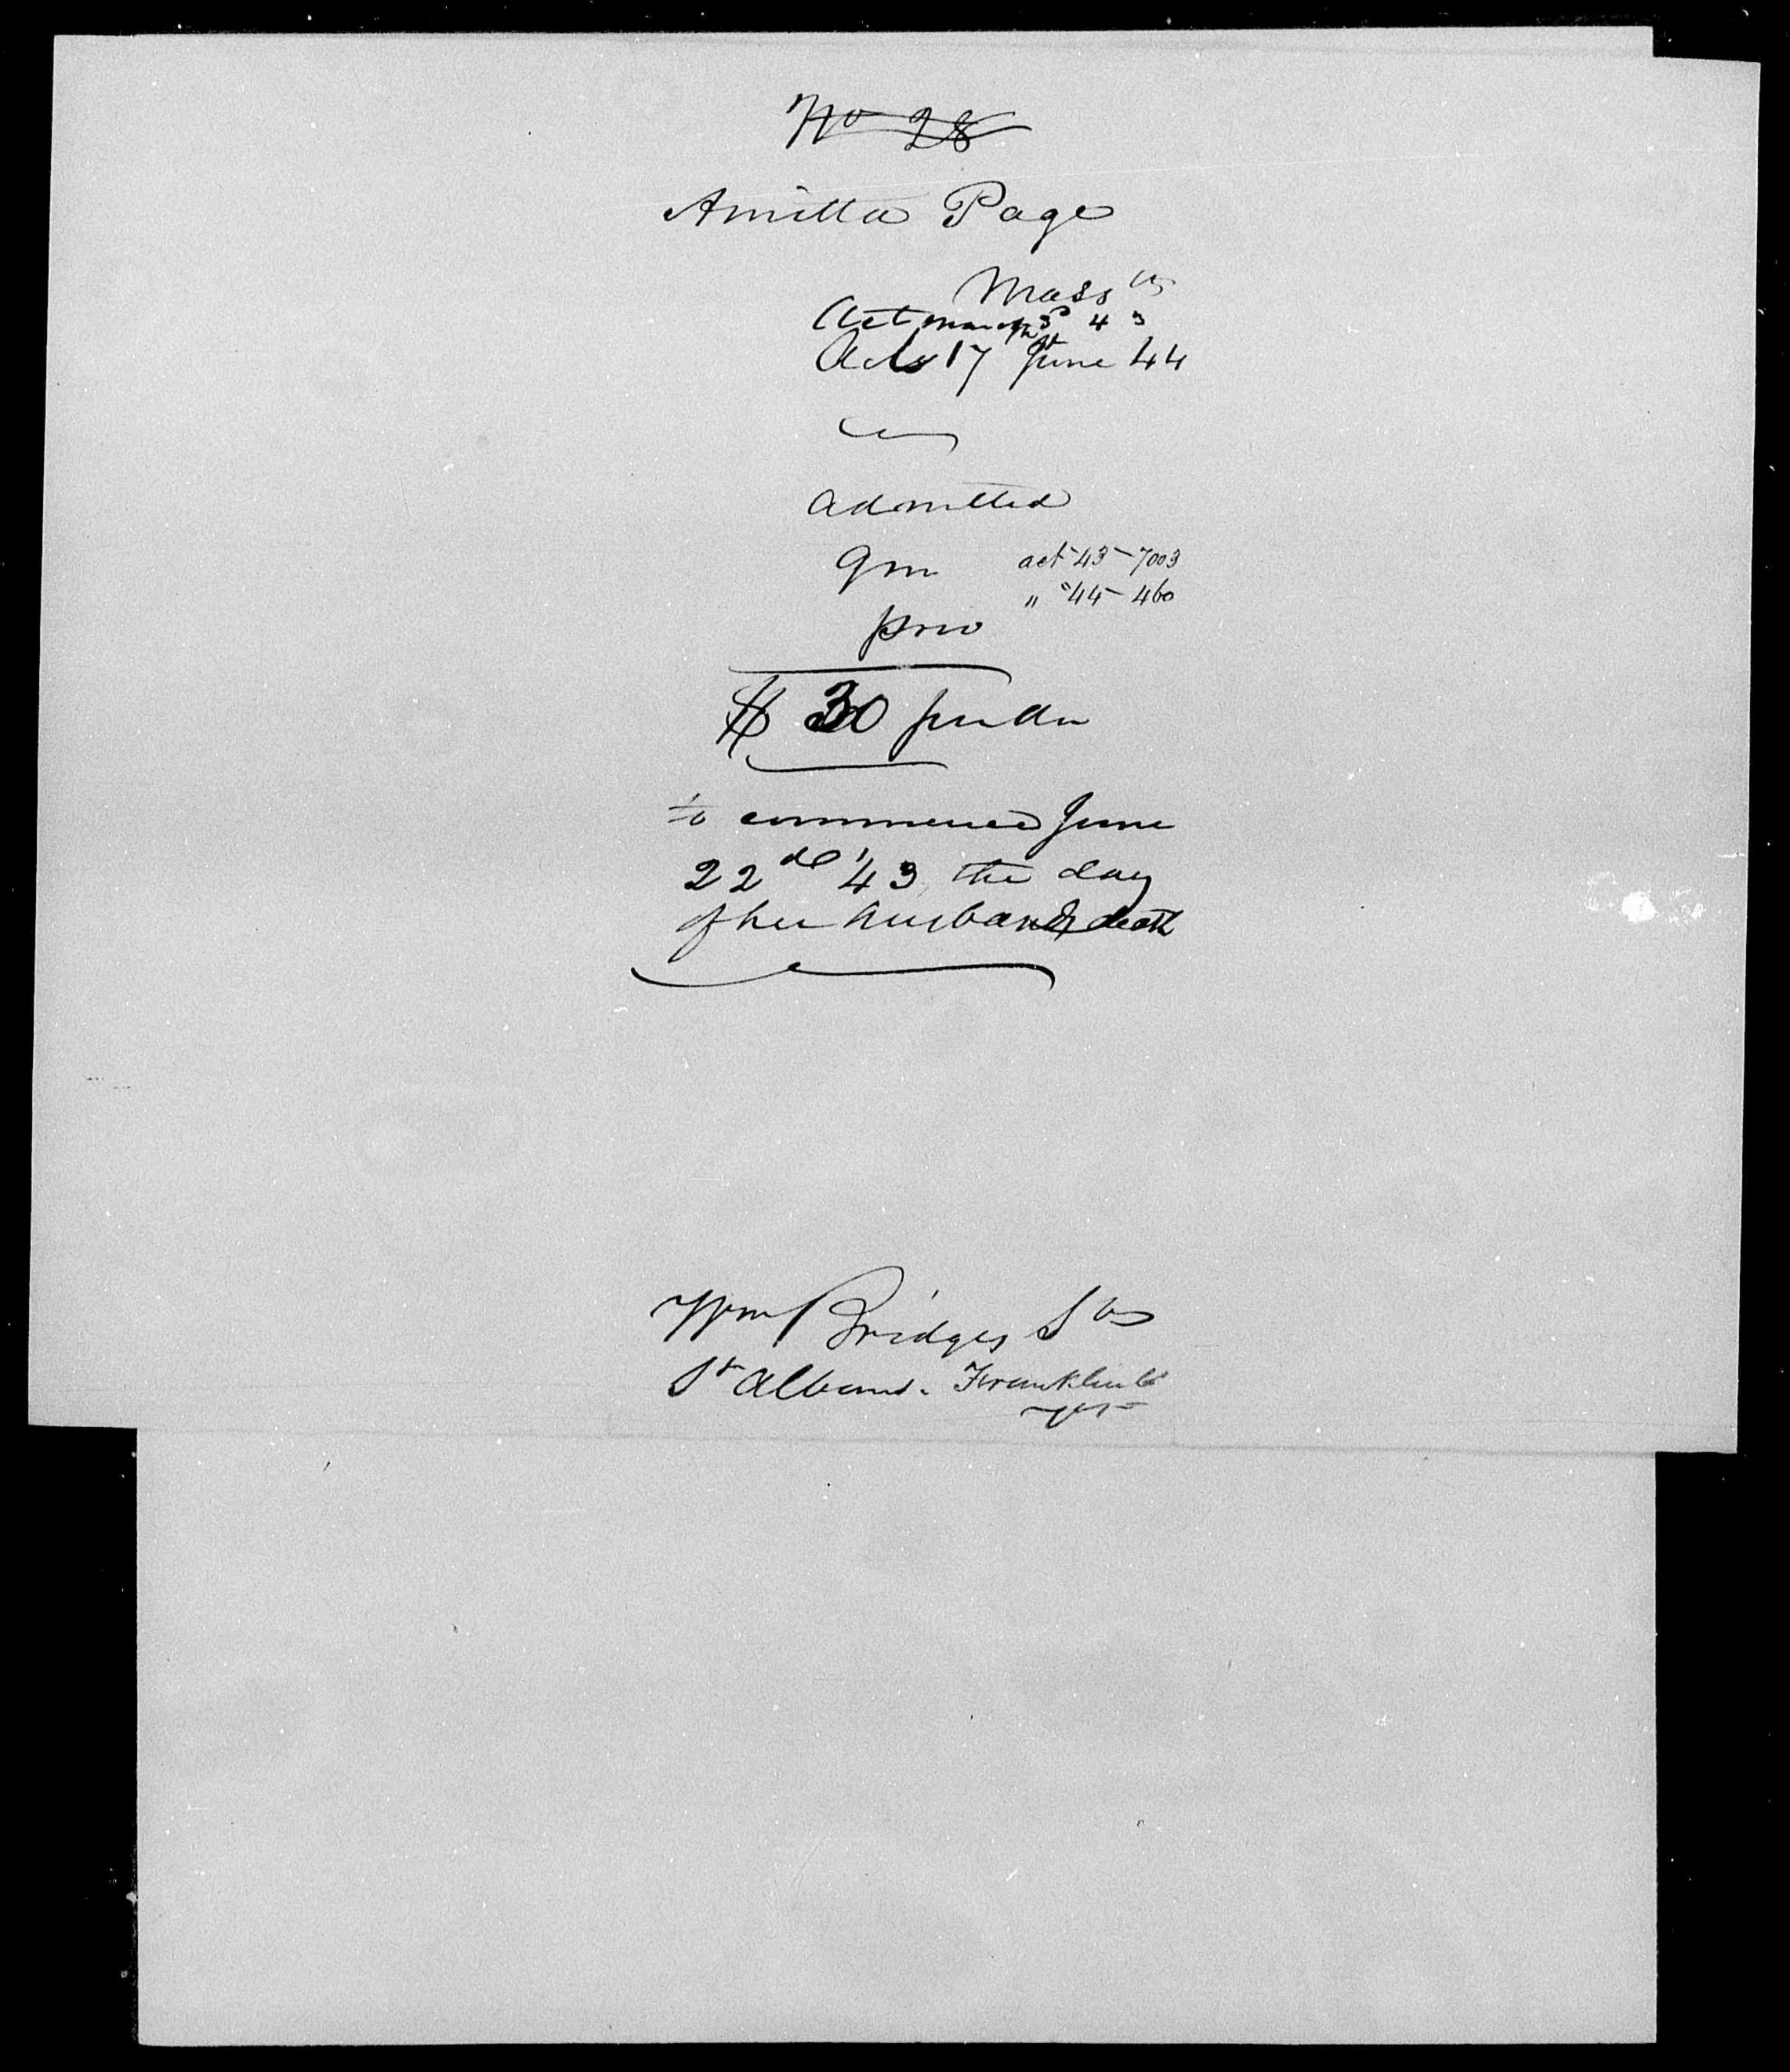[crossed out: No 28]
Amitta Page
Mass US
Act March 3d 43
Act 17 June 44
Admitted
9m act '43 7003
" 44 460
priv
$30 per an
to commence June
22 d '43 the day
of her husbands death
Wm Bridges S[illegible]
St Albans, Franklin Co
Vt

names: Amitta Page; Wm Bridges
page: 35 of 40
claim: widow's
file: W. 15168, for Foster Paige, Massachusetts